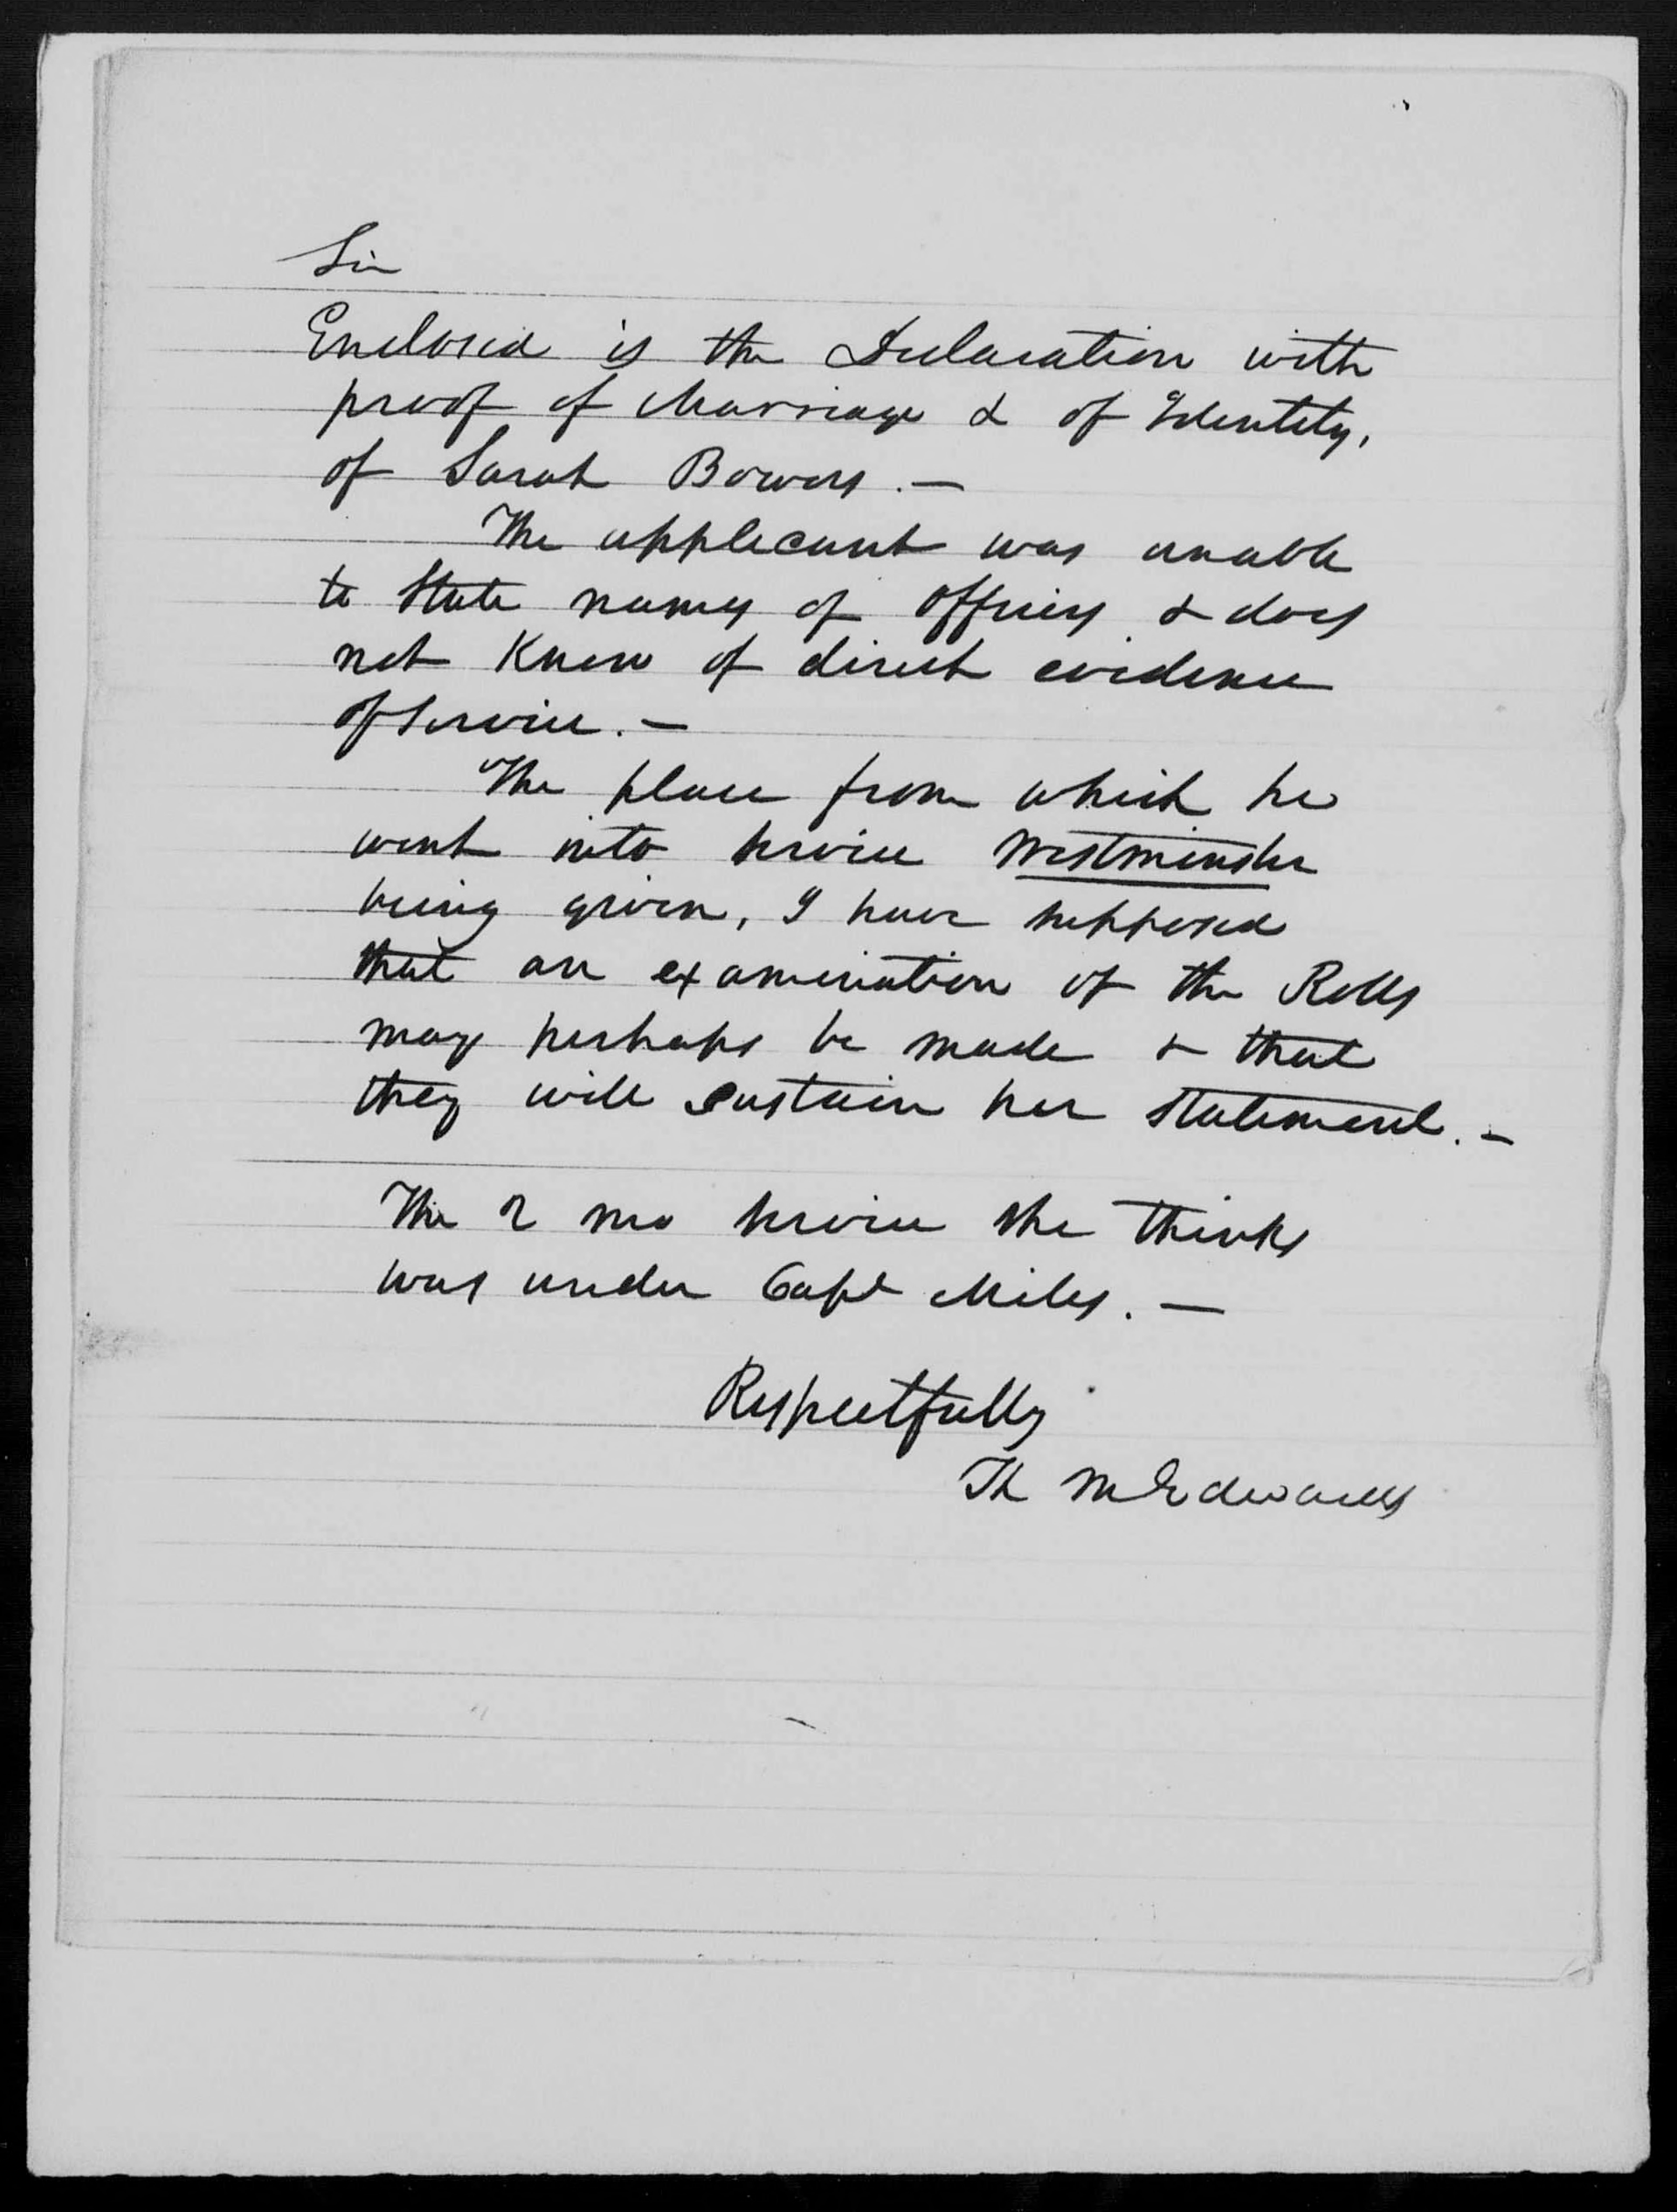Sir
Enclosed is the Declaration with
proof of Marriage & of Identity,
of Sarah Bowers.-
The applicant was unable
to state names of officers & does
not know of direct evidence of service.-
The place from which he
went into service Westminster
being given, I have supposed
that an examination of the Rolls
may perhaps be made & that
they will sustain her statement.-
The 2 mo service she thinks
was under Capt. Miles.-
Respectfully
Th M Edwards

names: Miles, Sarah Bowers, Th M Edwards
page: 27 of 42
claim: widow's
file: W. 23,652, Nehemiah Bowers, Mass.